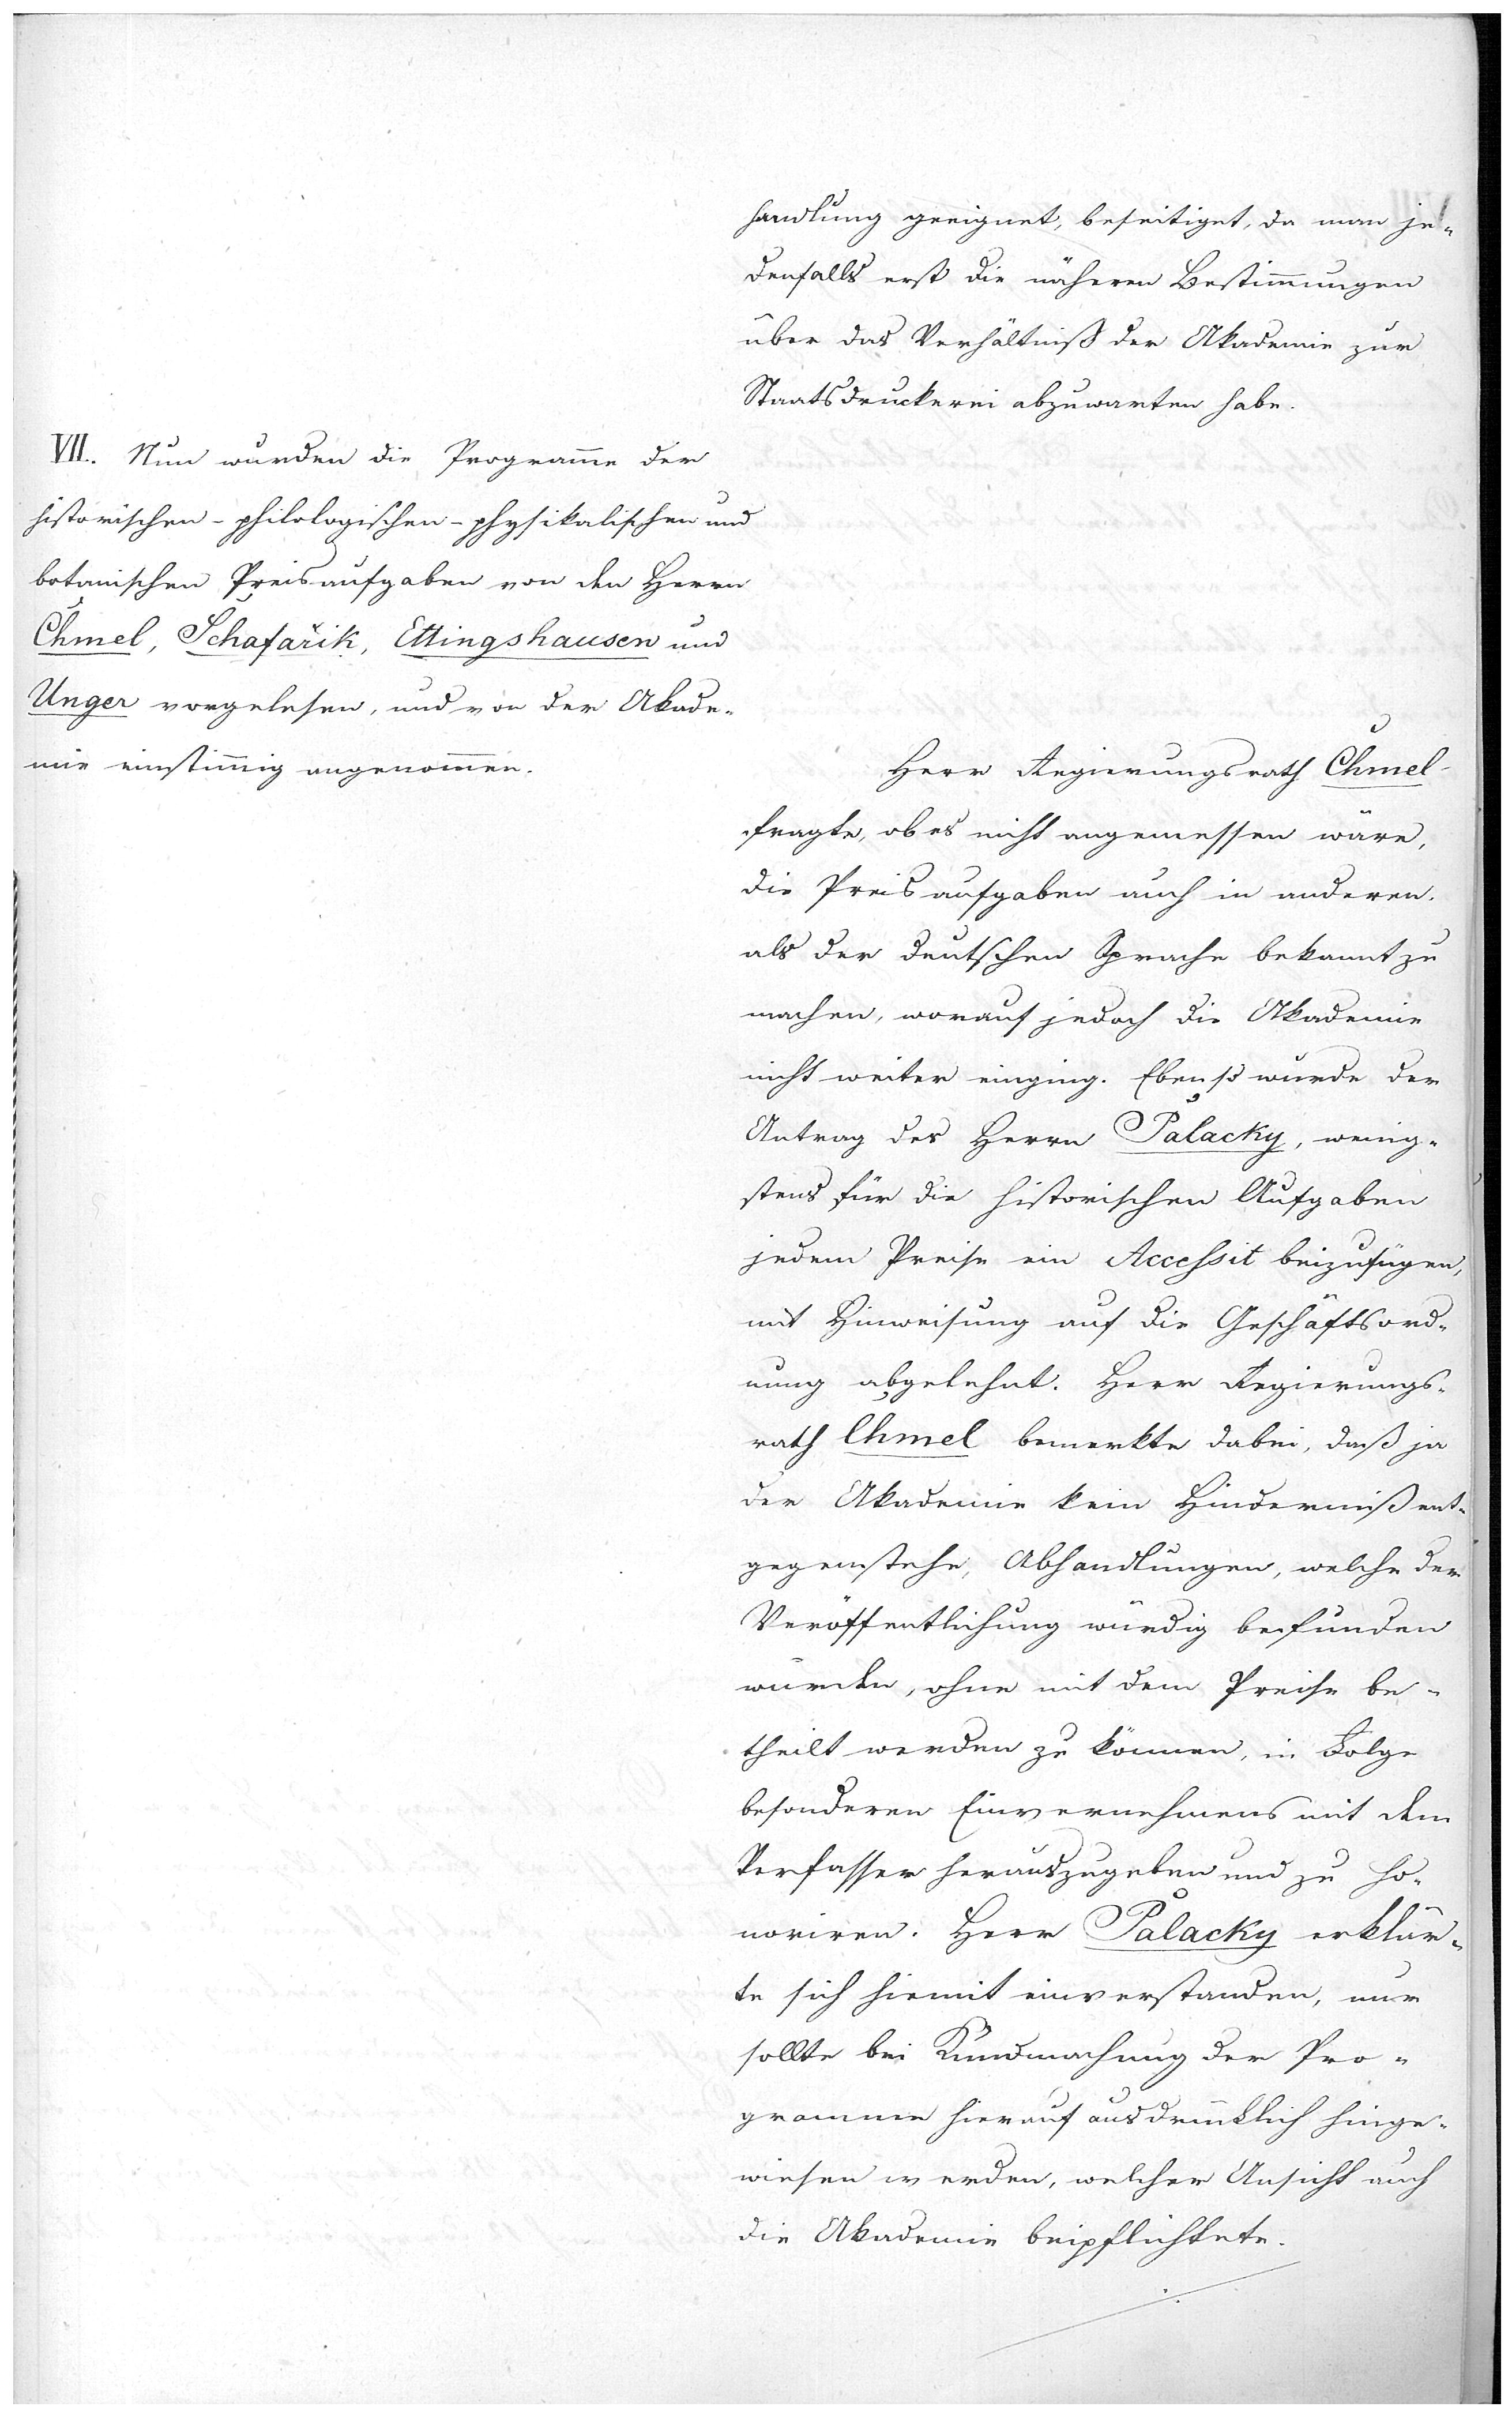handlung geeignet, beseitiget, da man je-
denfalls erst die näheren Bestimmungen
über das Verhältniß der Akademie zur
Staatsdruckerei abzuwarten habe.
VII. Nun wurden die Programme der
historischen-phlologischen-physikalischen und
botanischen Preisaufgaben von den Herrn
Chmel, Schafarik, Ettingshausen und
Unger vorgelesen, und von der Akade-
mie einstimmig angenommen.
Herr Regierungsrath Chmel
fragte, ob es nicht angmessen wäre,
die Preisaufgaben auch in anderen,
als der deutschen Sprache bekannt zu
machen, worauf jedoch die Akademie
nicht weiter einging. Ebenso wurde der
antrag des Herrn Palacky, wenig-
stens für die historischen Aufgaben
jedem Preise ein Accessit beizufügen,
mit Hinweisung auf die Geschäftsord-
nung abgelehnt. Herr Regierungs-
rath Chmel bemerkte dabei, daß ja
der Akademie kein Hinderniß ent-
gegenstahe, Abhandlungen, welche der
Veröffentlichung würdig befunden
wurden, ohne mit dem preise be-
theilt werden zu können, in Folge
besonderen Einvernehmens mit dem
Verfasser herauszugeben und zu ho-
noriren. Herr Palacky erklär-
te sich hiemit einverstanden, nur
sollte bei Kundmachung der Pro
gramme hierauf ausdrücklich hinge-
wiesen werden, welcher Ansicht auch
die Akademie beipflichtete.